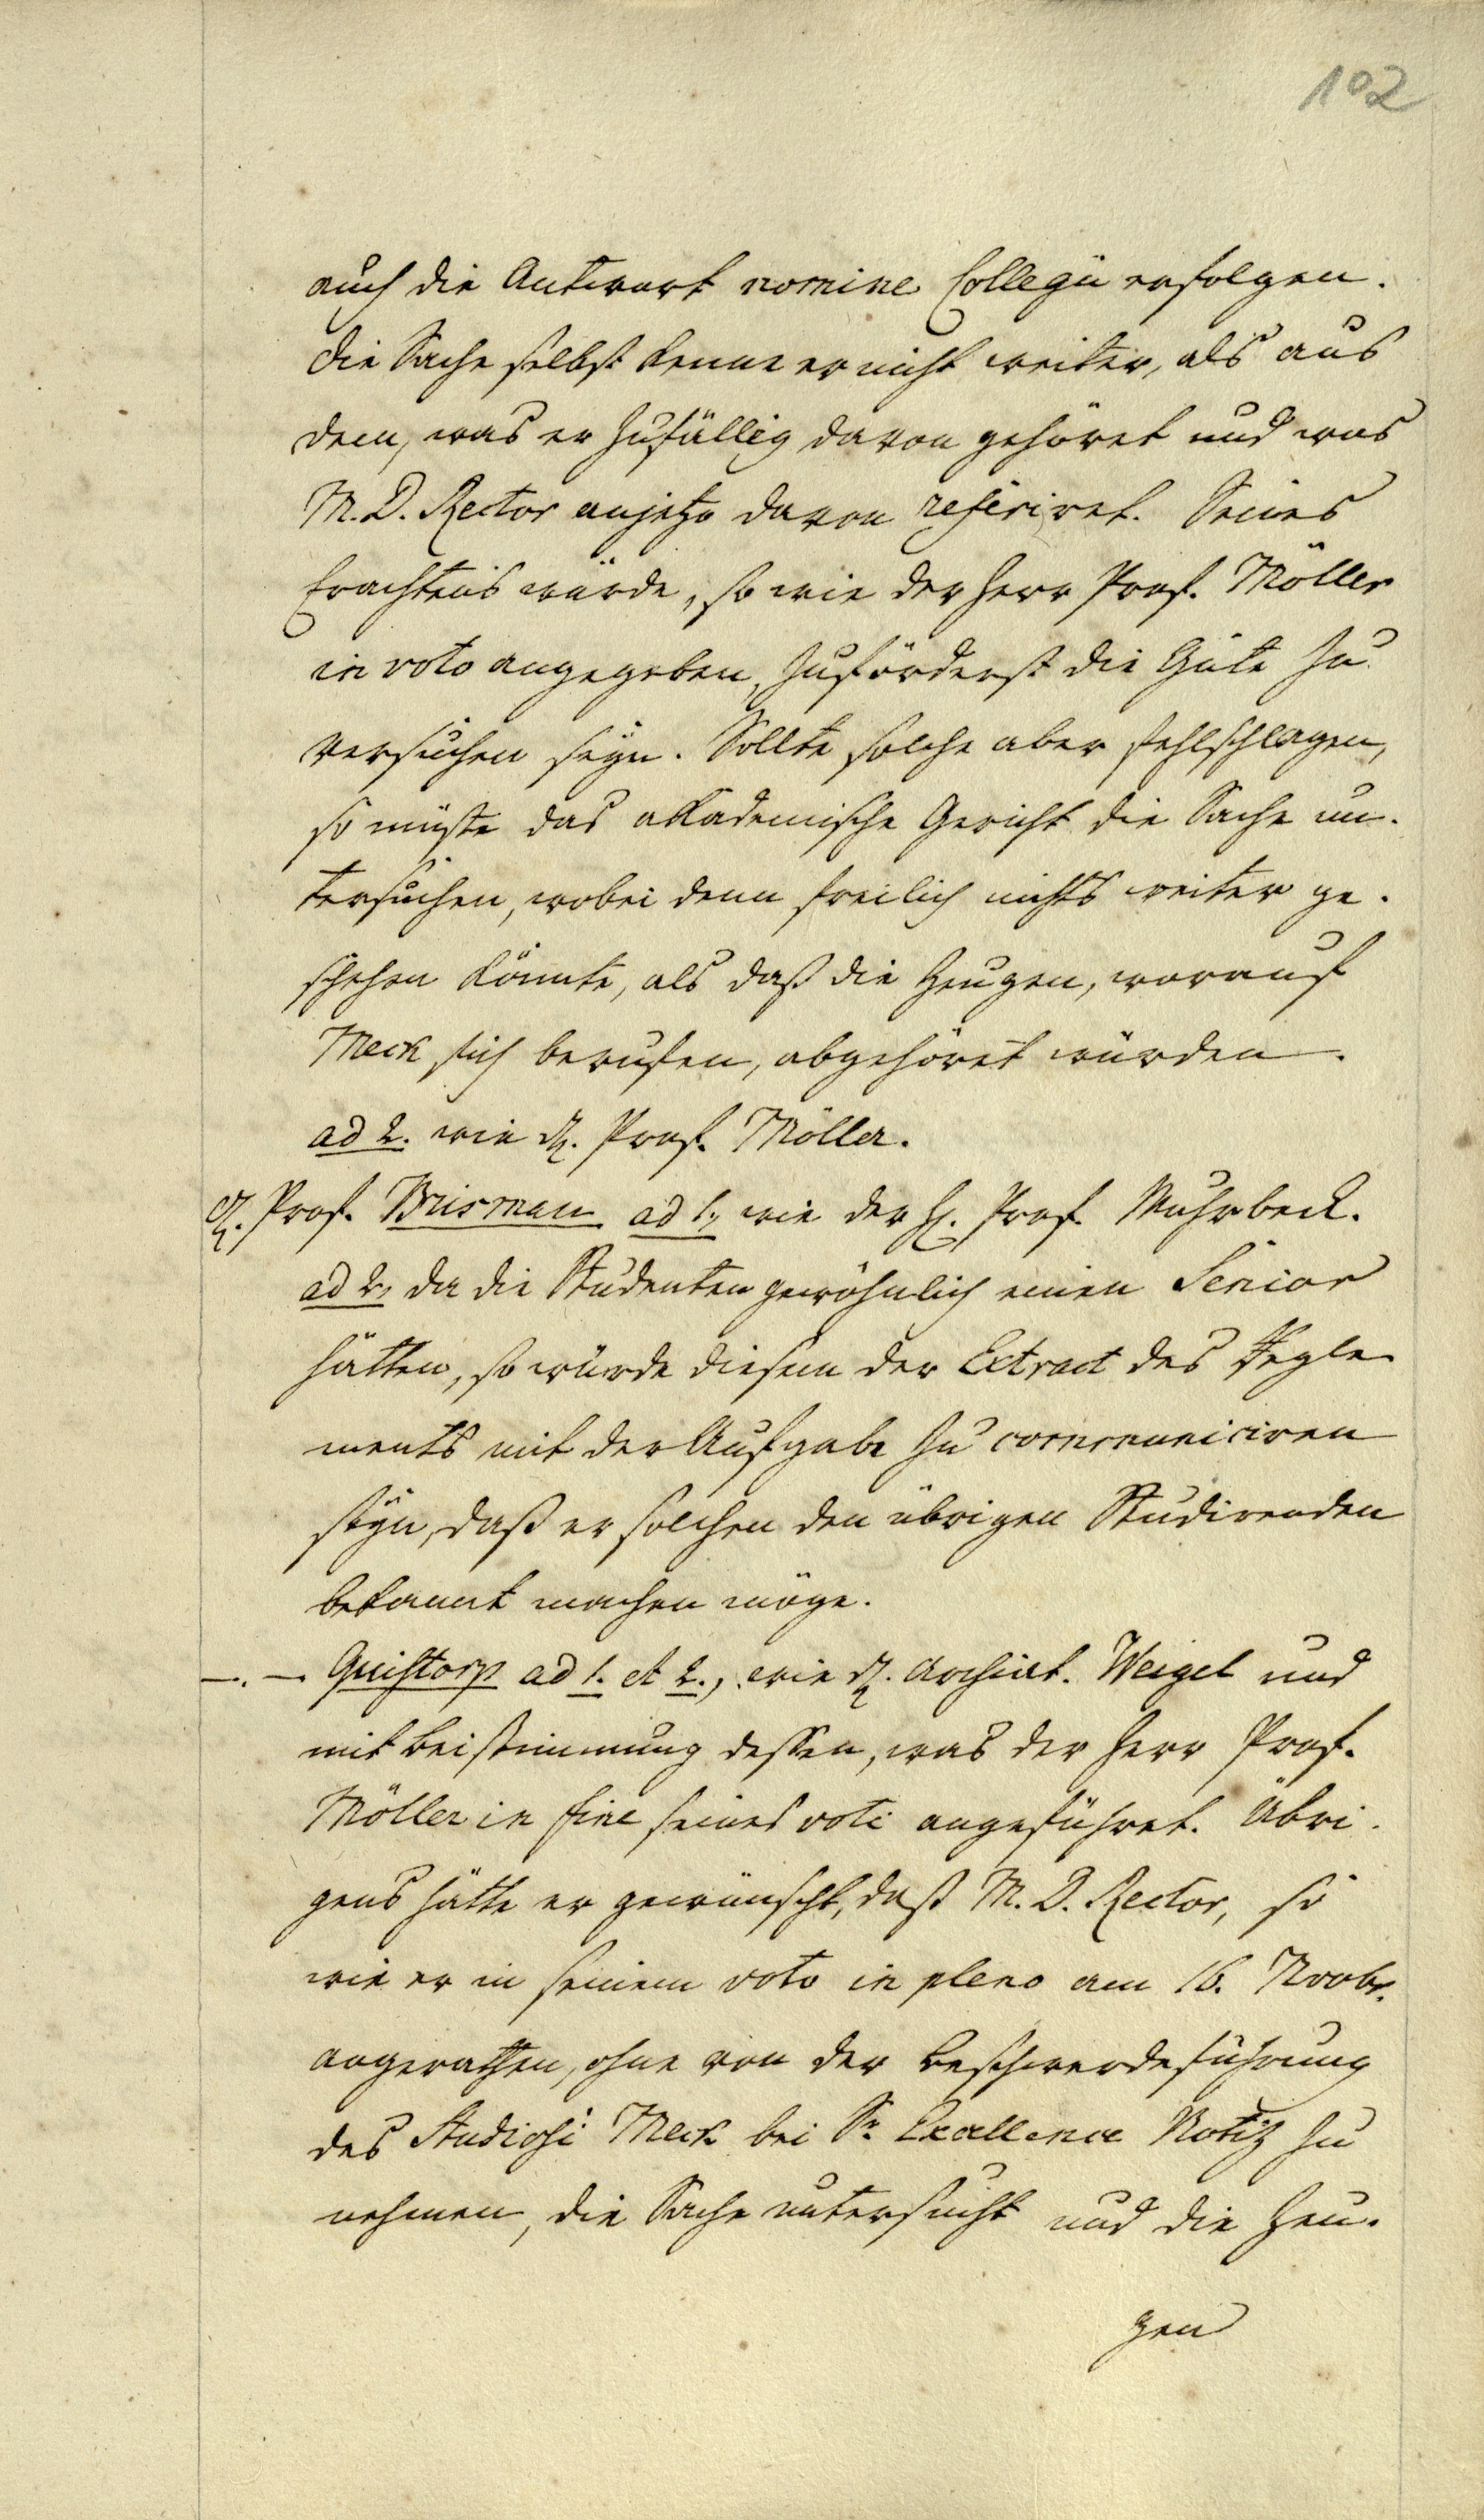auch die Antwort nomine Collegii erfolgen.
Die Sache selbst kenne er nicht weiter, als aus
dem, was er zufällig davon gehöret und was
M. D. Rector anjetzo davon referiret. Seines
Erachtens würde, so wie der Herr Prof. Möller
in voto angegeben, zuförderst die Güte zu
versuchen seÿn. Sollte solche aber fehlschlagen,
so müßte das akademische Gericht die Sache un¬
tersuchen, wobei denn freilich nichts weiter ge¬
schehen könnte, als daß die Zeugen, worauf
Meck sich berufen, abgehöret würden.
ad 2. wie dh. Prof. Möller.
dh. Prof. Brisman. ad 1. wie der H. Prof. Muhrbeck.
ad 2. Da die Studenten gewöhnlich einen Senior
hätten, so würde diesem der Extract des Regle¬
ments mit der Aufgabe zu communiciren
seÿn, daß er solchen den übrigen Studirenden
bekannt machen möge.
Quistorp ad 1. et 2., wie dh. Archiat. Weigel und
mit Beistimmung dessen, was der Herr Prof.
Möller in fine seines voti angeführet. Übri¬
gens hätte er gewünscht, daß M. D. Rector, so
wie er in seinem voto in pleno am 18. Novbr.
angerathen, ohne von der Beschwerdeführung
des Studiosi Meck bei Sr Excellence Notiz zu
nehmen, die Sache untersucht und die Zeu¬
gen